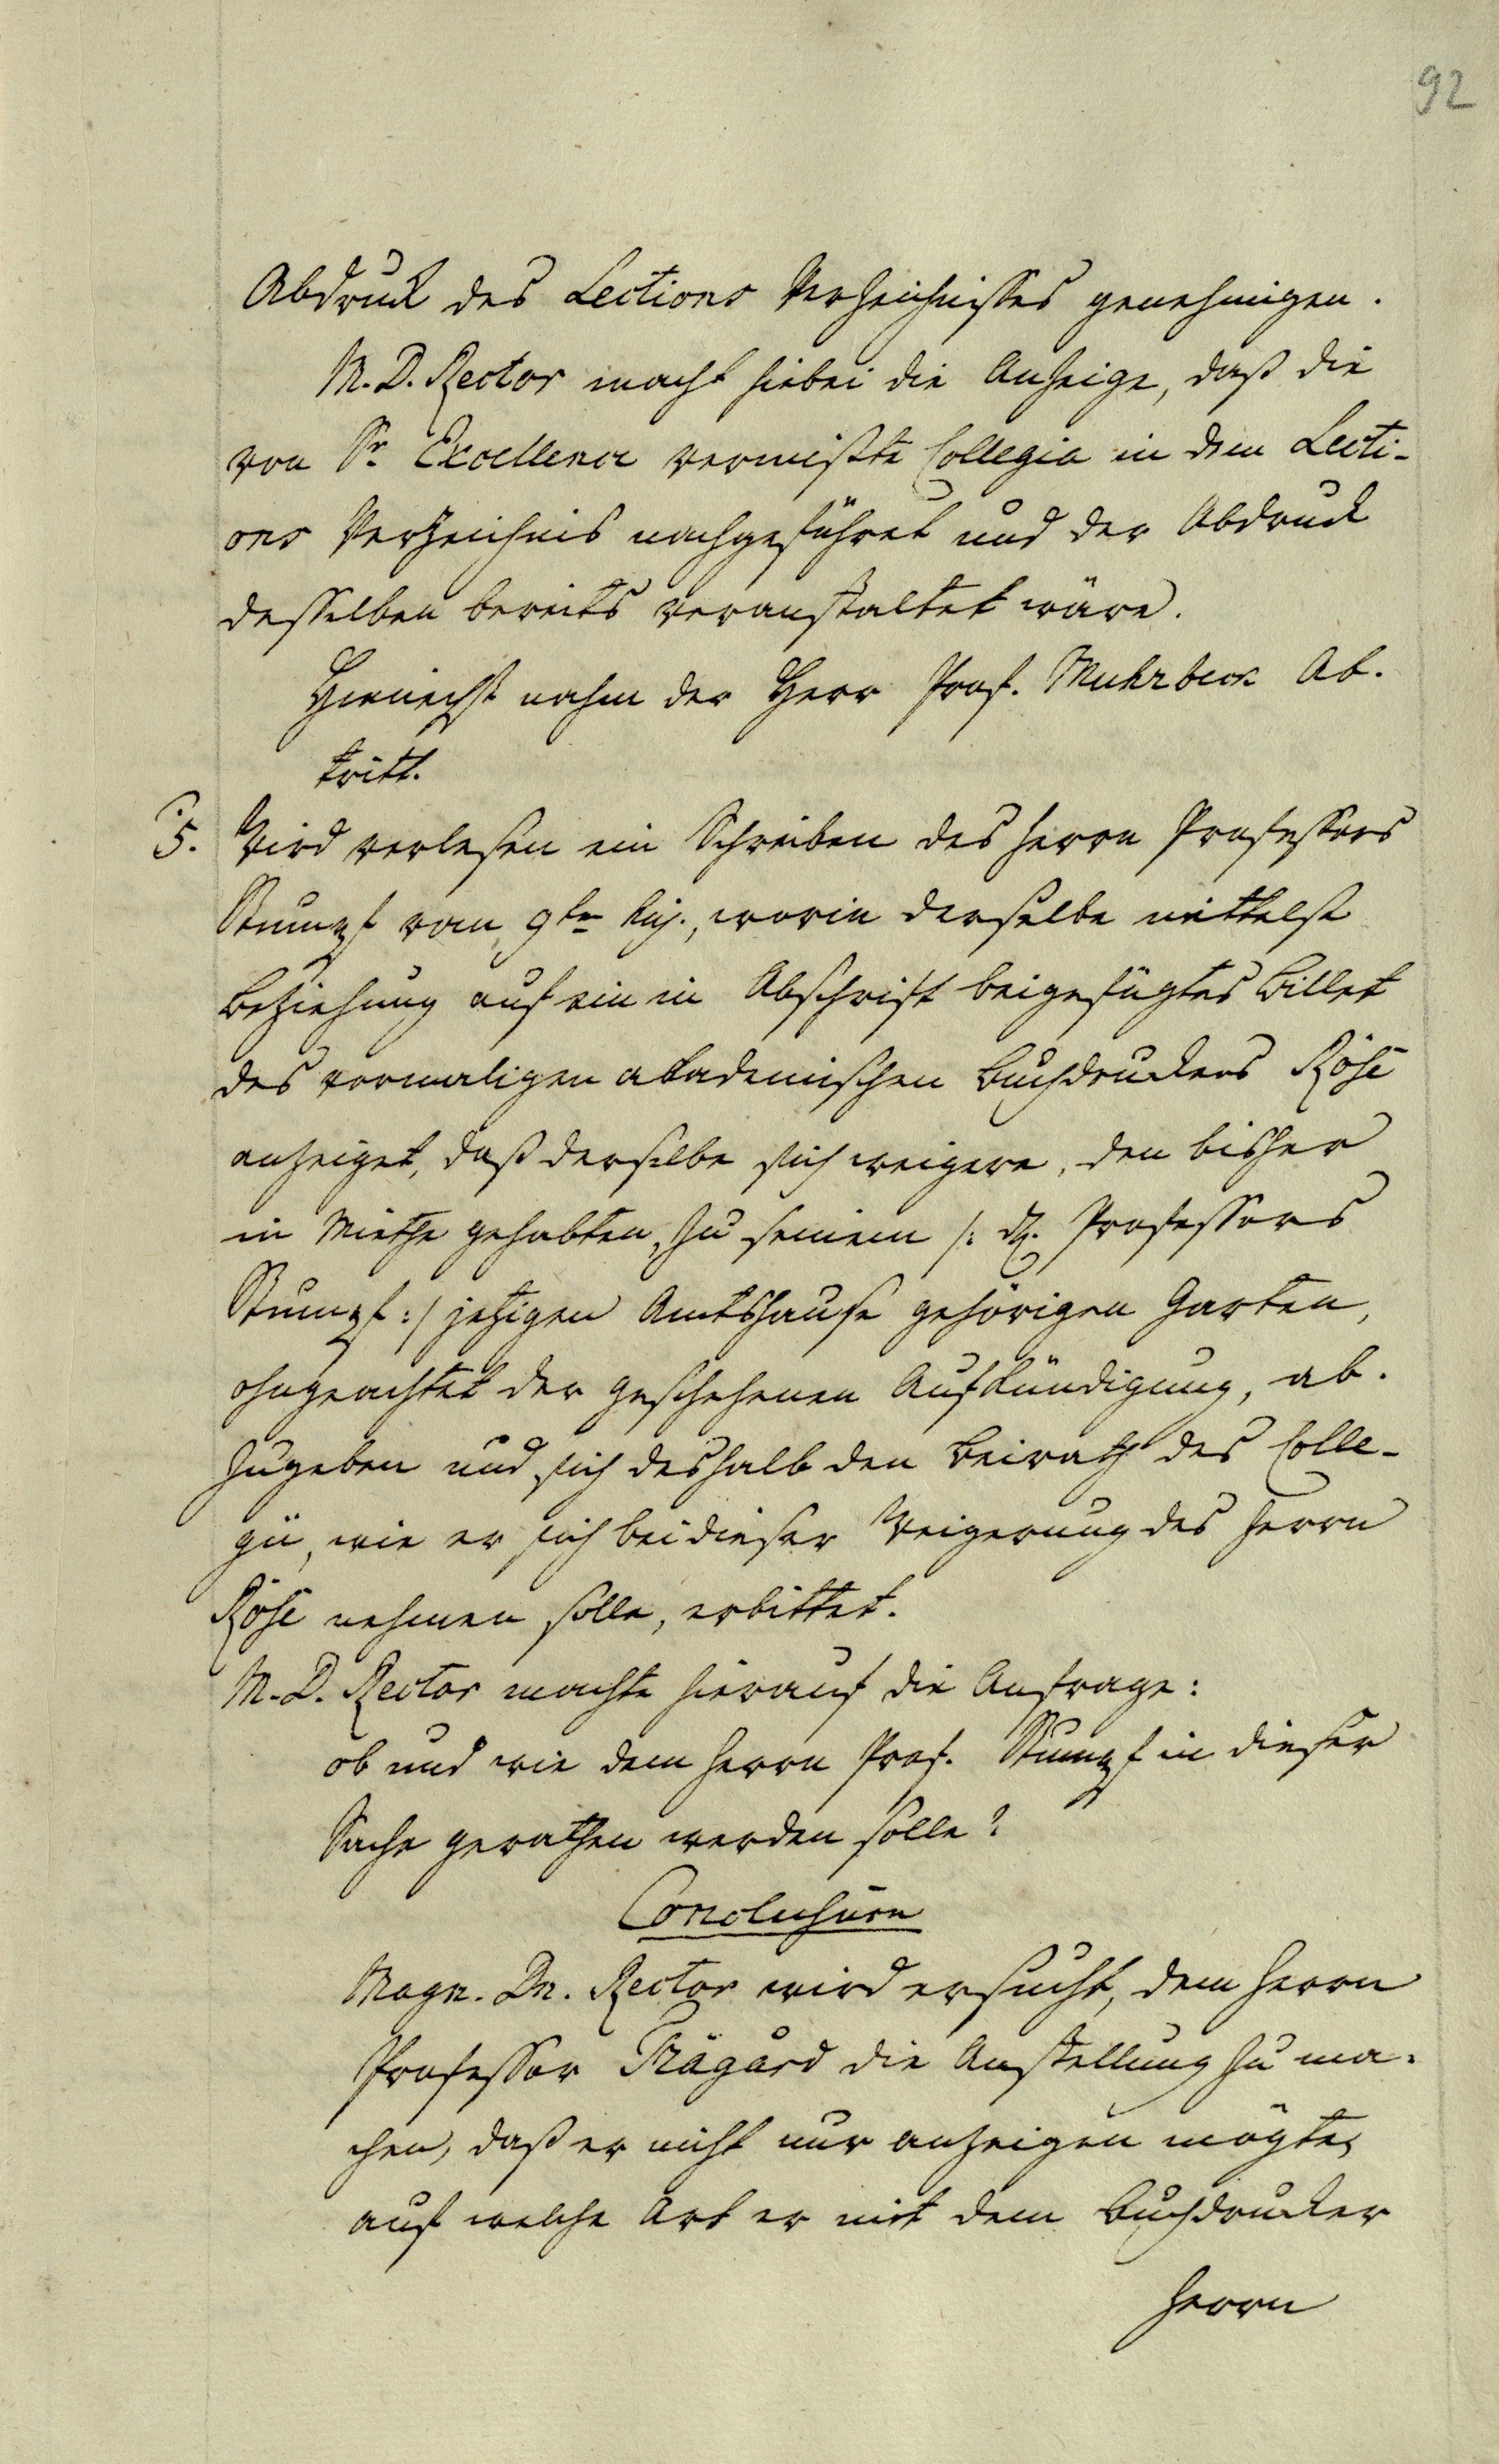Abdruck des Lections Verzeichnisses genehmigen.
M. D. Rector macht hiebei die Anzeige, daß die
von Sr Excellence vermißte Collegia in dem Lecti¬
ons Verzeichnis nachgeführet und der Abdruck
desselben bereits veranstaltet wäre.
Hienechst nahm der Herr Prof. Muhrbeck Ab¬
tritt.
3. Wird verlesen ein Schreiben des Herrn Professors
Stumpf vom 9 ten huj., worin derselbe mittelst
Beziehung auf ein in Abschrift beigefügtes Billet
des vormaligen akademischen Buchdruckers Röse
anzeiget, daß derselbe sich weigere, den bisher
in Miethe gehabten, zu seinem /: dh. Professors
Stumpf :/ jetzigen Amtshause gehörigen Garten,
ohngeachtet der geschehenen Aufkündigung, ab¬
zugeben und sich deshalb den Beirath des Colle¬
gii, wie er sich bei dieser Weigerung des Herrn
Röse nehmen solle, erbittet.
M. D. Rector machte hierauf die Anfrage:
ob und wie dem Herrn Prof. Stumpf in dieser
Sache gerathen werden solle?
Conclusum
Magn. Dn. Rector wird ersucht, dem Herrn
Professor Trägård die Anstellung zu ma¬
chen, daß er nicht nur anzeigen mögte,
auf welche Art er mit dem Buchdrucker
Herrn